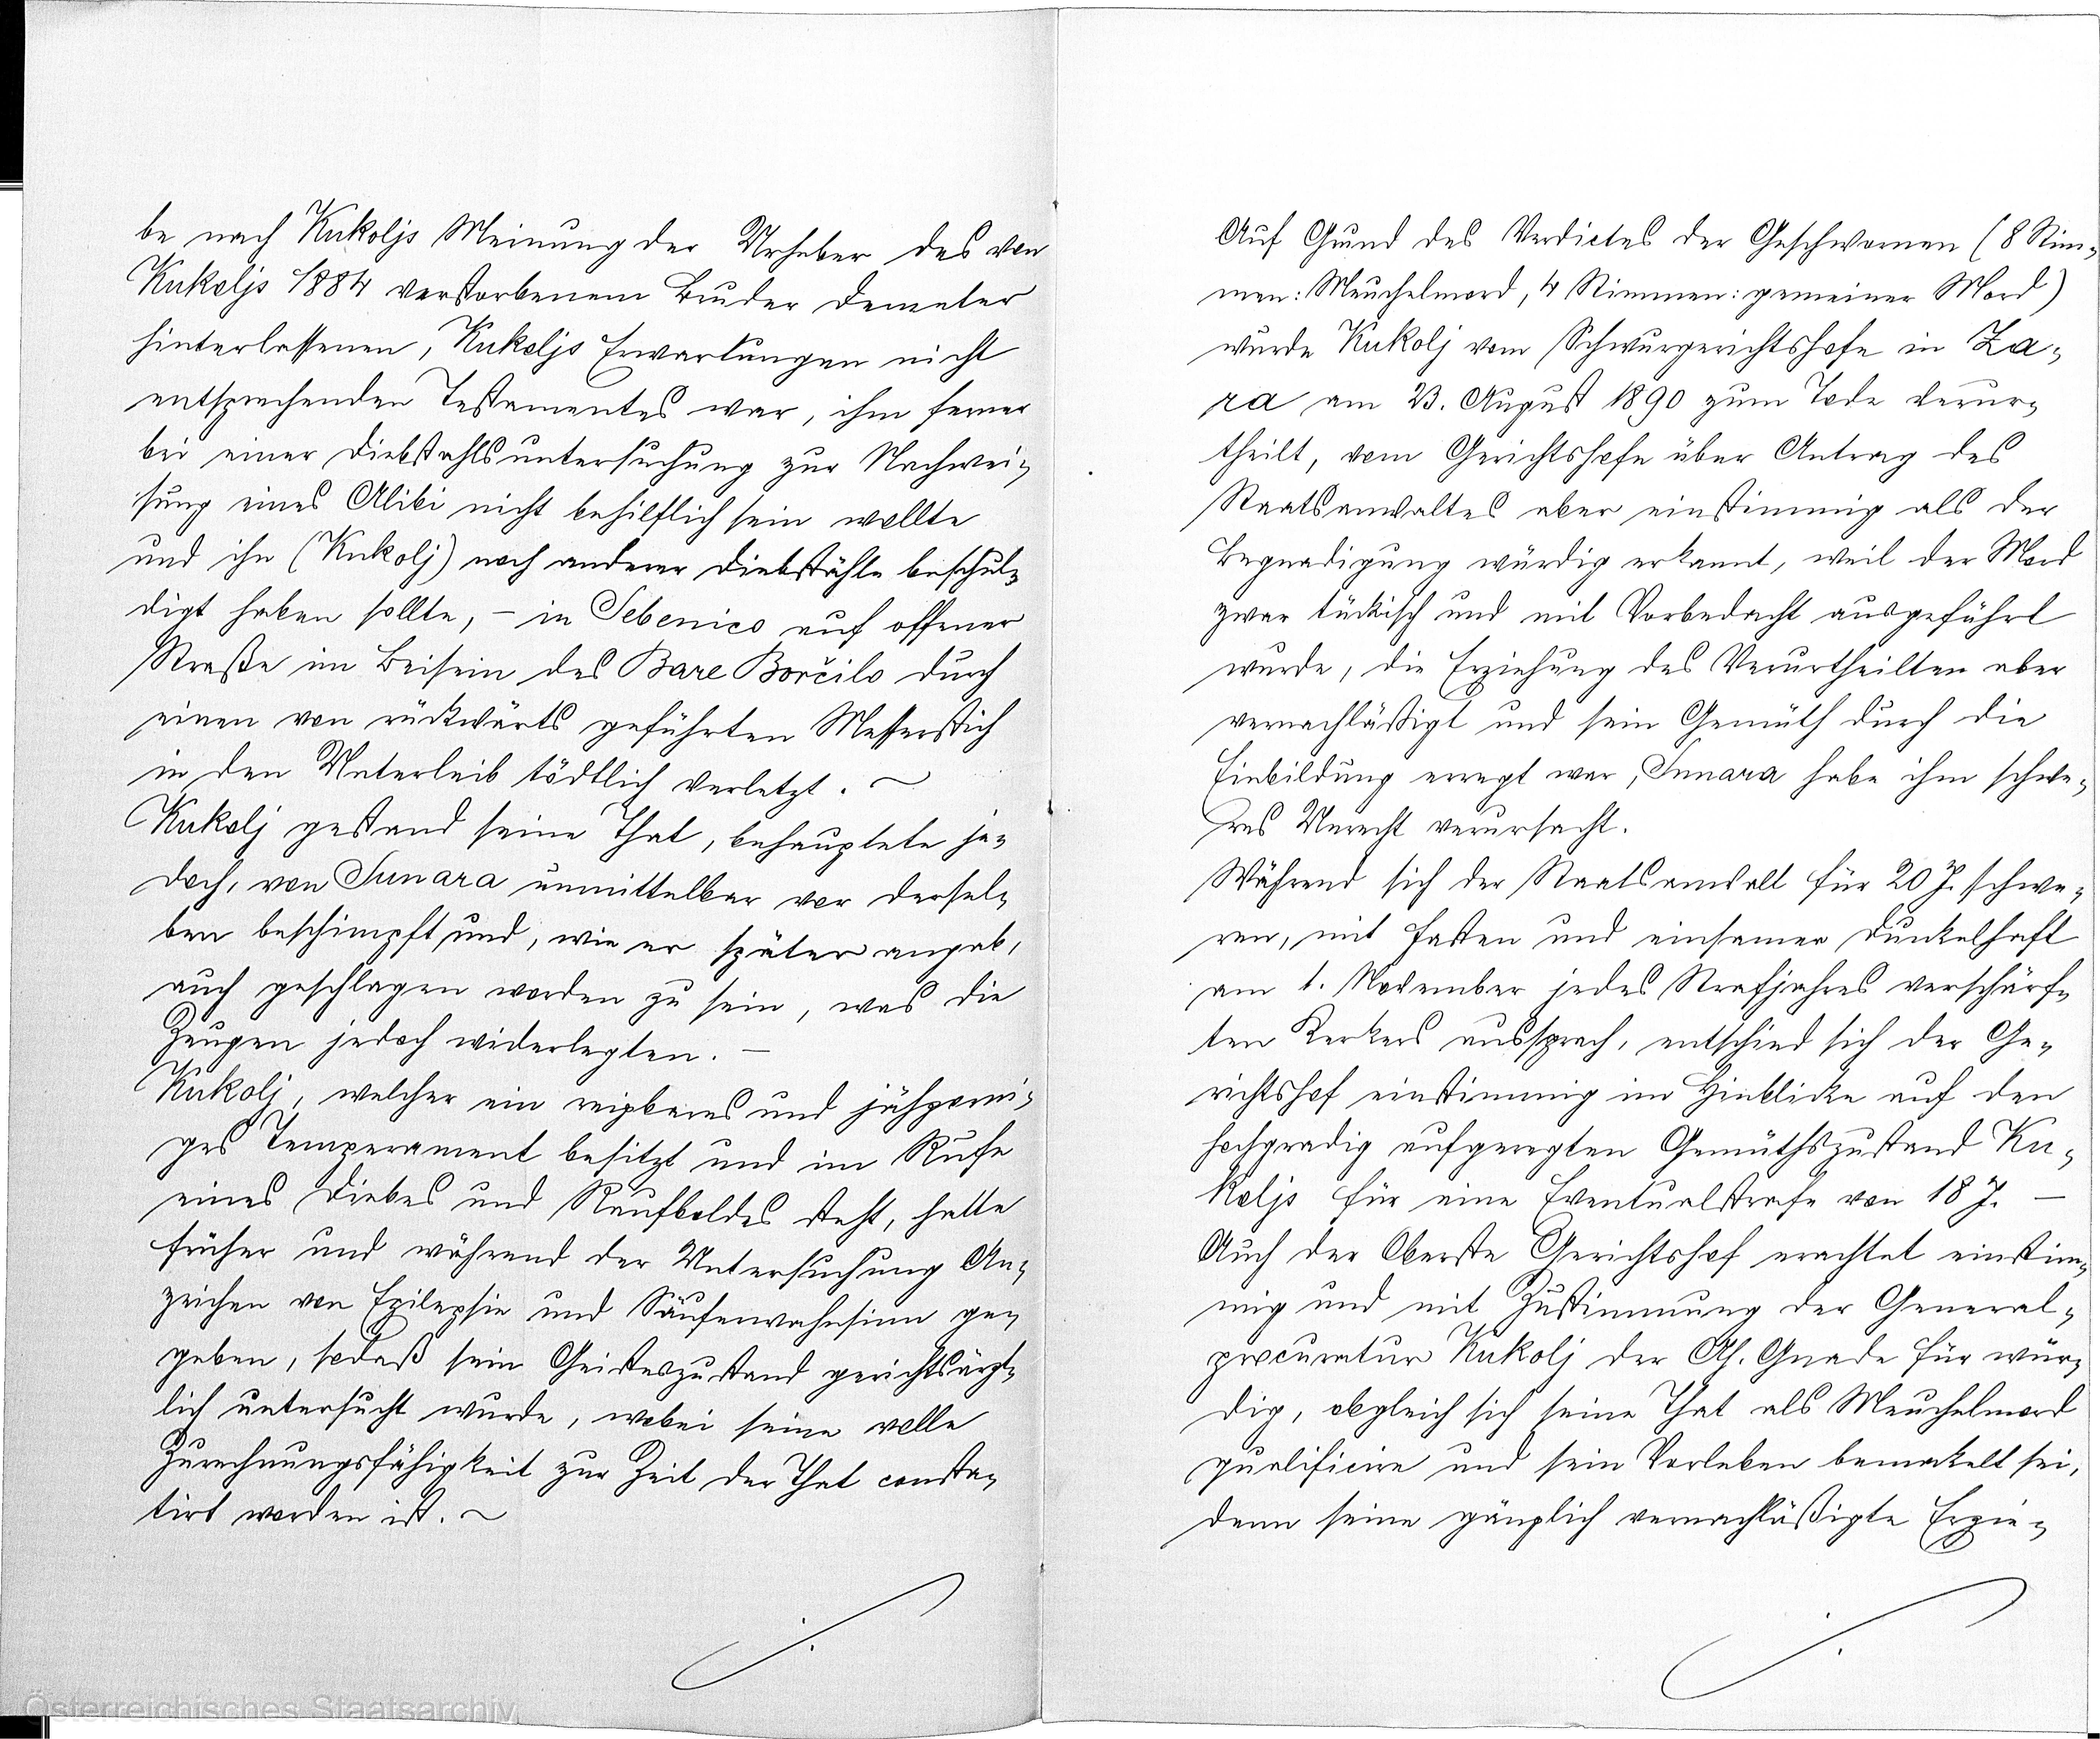be nach Kukolj’s Meinung der Urheber des von
Kukoljs 1884 verstorbenen Bruder Demeter
hinterlassenen, Kukoljs Erwartungen nicht
entsprechenden Testamentes war, ihm ferner
bei einer Diebstahlsuntersuchung zur Nachwei¬
sung eines Alibi nicht behilflich sein wollte
und ihn (Kukolj) nach andere Diebstähle beschul¬
digt haben sollte, – in Sebenice auf offener
Straße in Beisein des Bare Borčilo durch
einen von rückwärts geführten Messerstich
in den Unterleib tödlich verletzt.
Kukolg gestand seine That, behauptete je¬
doch, von Sunara unmittelbar vor dersel¬
ben beschimpft und, wie er später angab,
auch geschlagen worden zu sein, was die
Zeugen jedoch widerlegten.–
Kukolj, welcher ein reizbares und jähzorni¬
ges Temperament besitzt und im Rufe
eines Diebes und Raufboldes steht, hatte
früher und während der Untersuchung An¬
zeichen von Epilepsie und Säufenwahnsinn ge¬
geben, sodaß sein Geisteszustand gerichtsärzt¬
lich untersucht wurde, wobei seine volle
Zurechnungsfähigkeit zur Zeit der That consta¬
tirt werden ist.
Auf Grund des Verdictes der Geschwornen (8 Stim¬
men: Meuchelmord, 4 Stimmen: gemeiner Mord)
wurde Kukolj vom Schwurgerichtshofe in Za¬
ra am 23. August 1890 zum Tode verur¬
theilt, vom Gerichtshofe über Antrag des
Staatsanwaltes aber einstimmig als der
Begnadigung würdig erkannt, weil der Mord
zwar tückisch und mit Vorbedacht ausgeführt
wurde, die Erziehung des Verurtheilten aber
vernachläßigt und sein Gemüth durch die
Einbildung erregt war, Sunara habe ihm schwe¬
res Unrecht verursacht.
Während sich der Staatsanwalt für 20 J. schwe¬
ren, mit Fasten und einsamer Dunkelhaft
am 1. November jedes Strafjahres verschärf¬
ten Kerkers aussprach, enthschied sich der Ge¬
richtshof einstimmig im Hinblicke auf den
hochgradig aufgerechten Gemüthszustand Ku¬
koljs für eine Eventuealstrafe vom 18J. –
Auch der Oberste Gerichtshof erachtet einstim¬
mig und mit Zustimmung der General¬
procuratur Kukolj der Ah. Gnade für wür¬
dig, obgleich sich seine That als Meuchelmord
qualificire und sein Vorleben bemakelt sei,
denn seine gänzlich vernachläßigte Erzie¬